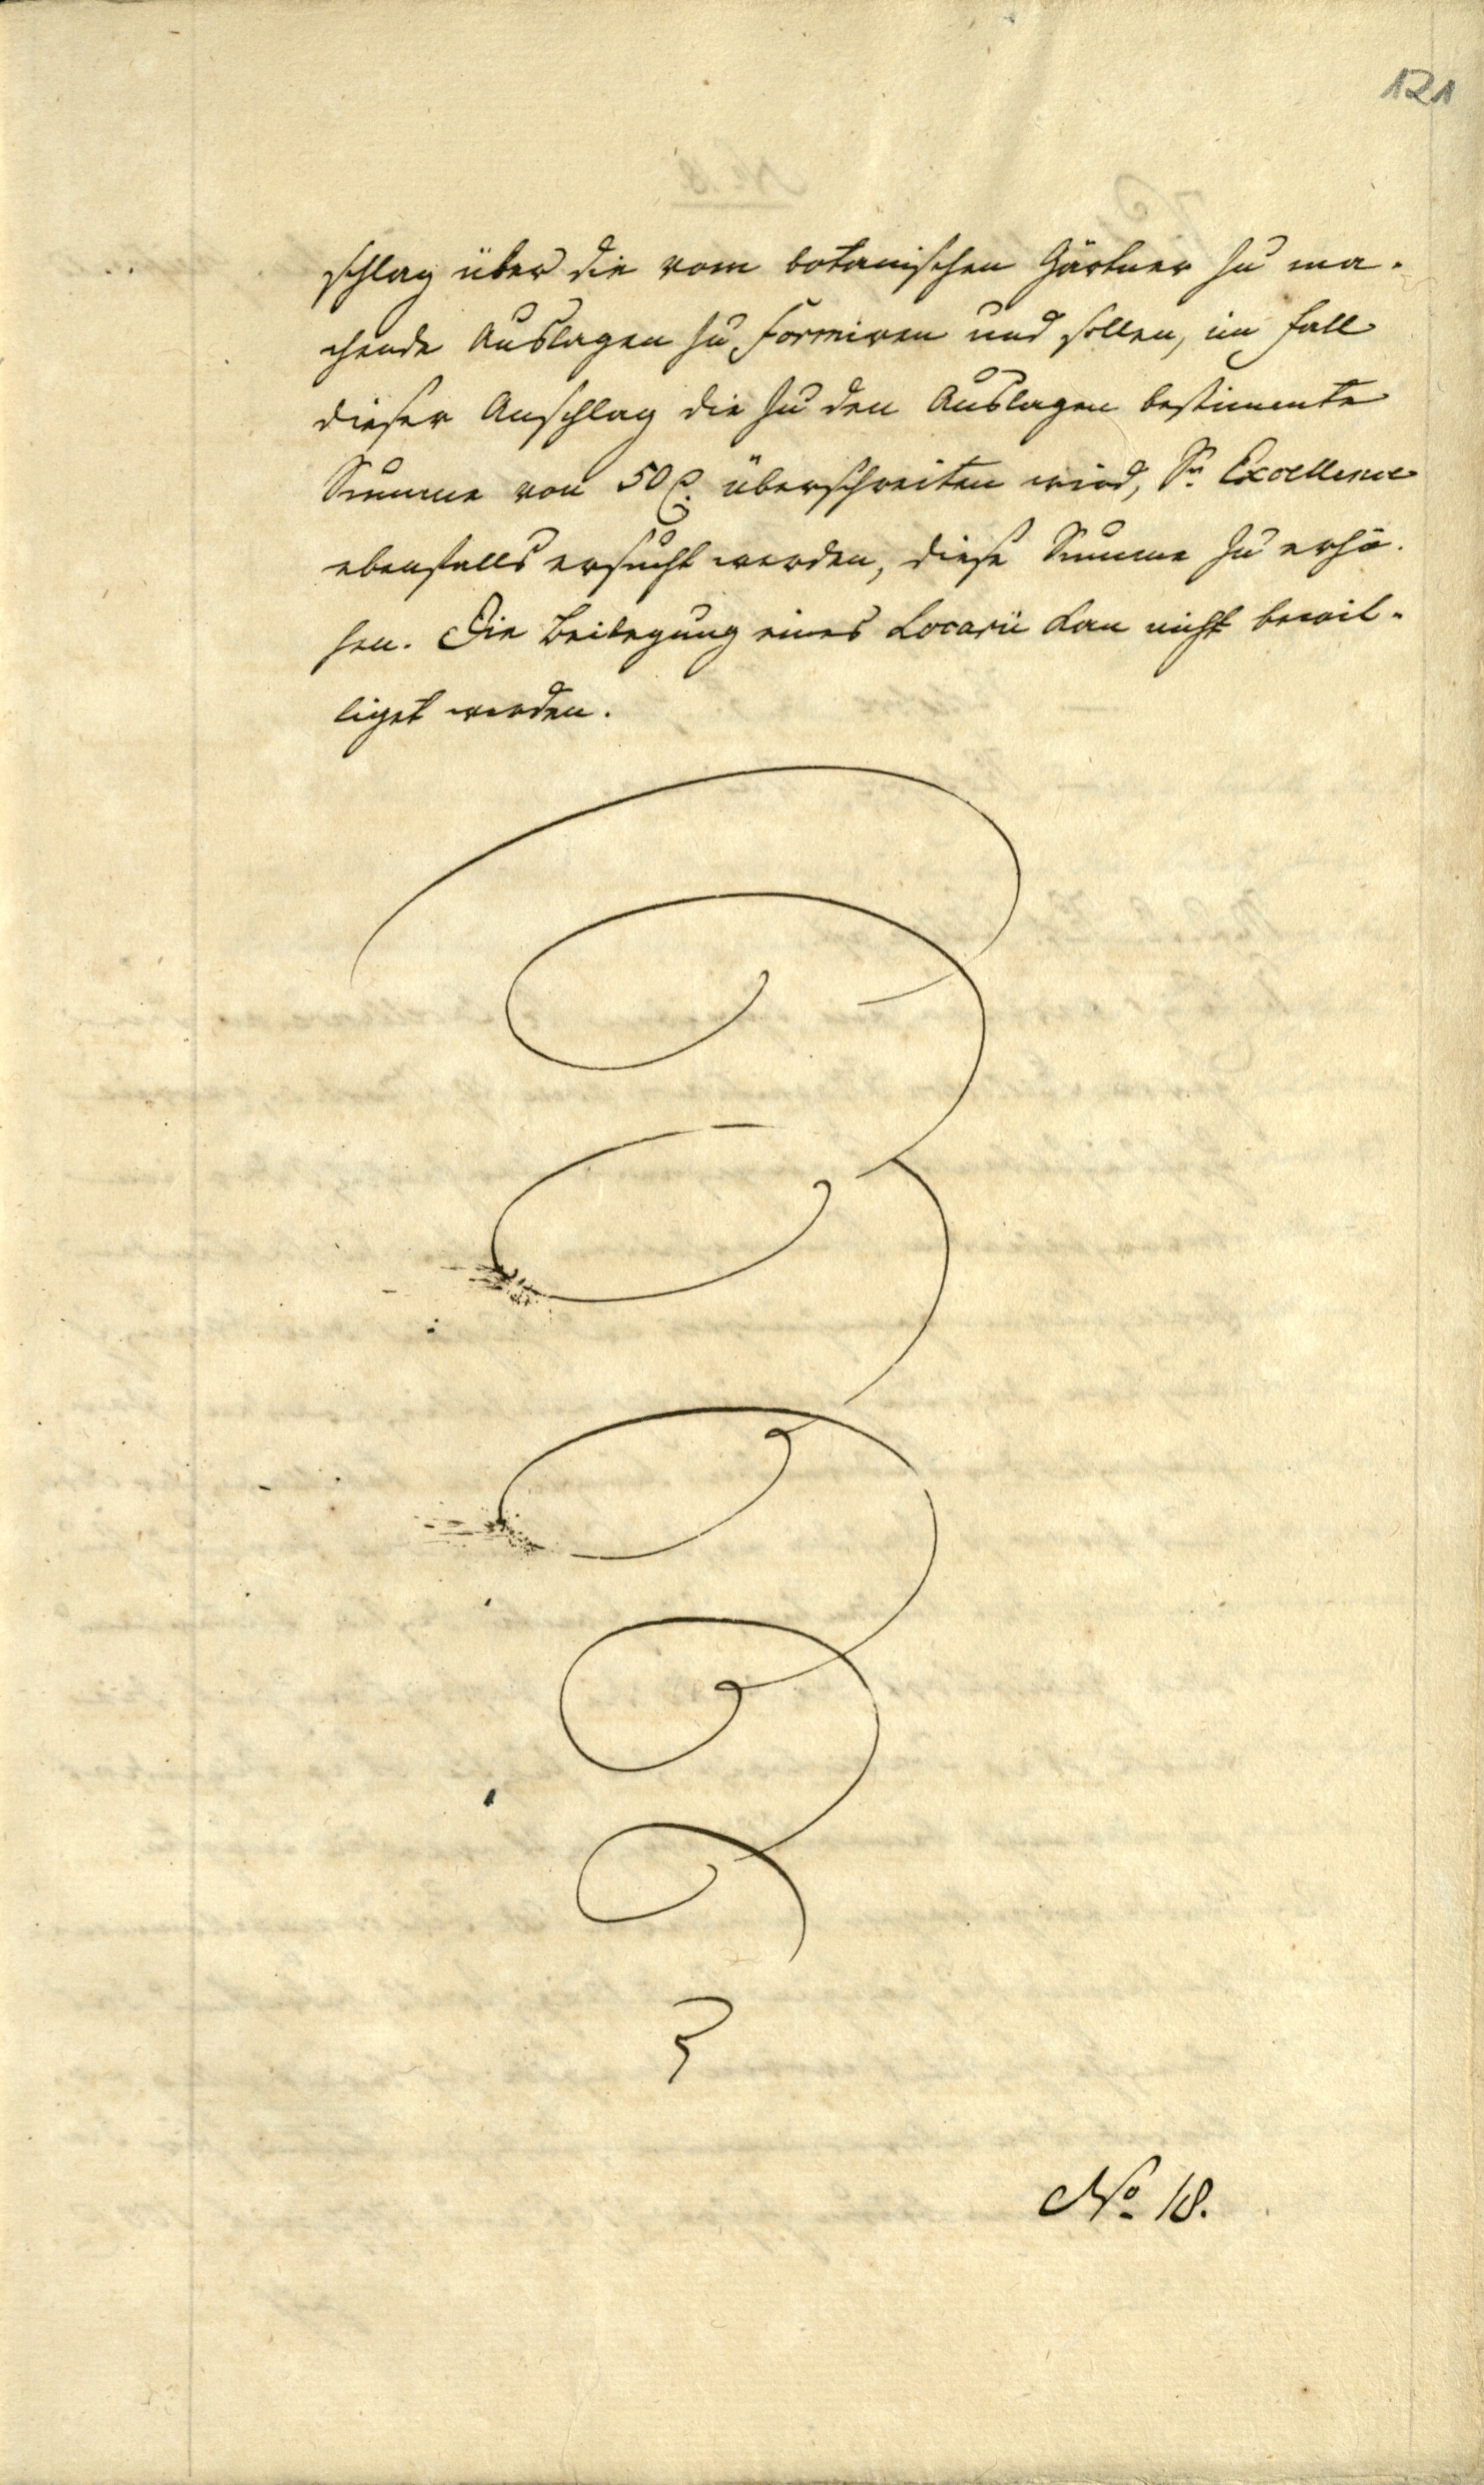schlag über die vom botanischen Gärtner zu ma¬
chende Auslagen zu formiren und sollen, im Fall
dieser Anschlag die zu den Auslagen bestimmte
Summe von 50 l. überschreiten wird, Sr. Excellence
ebenfalls ersucht werden, diese Summe zu erhö¬
hen. Die Beilegung eines Locarii kan nicht bewil¬
liget werden.
No 18.